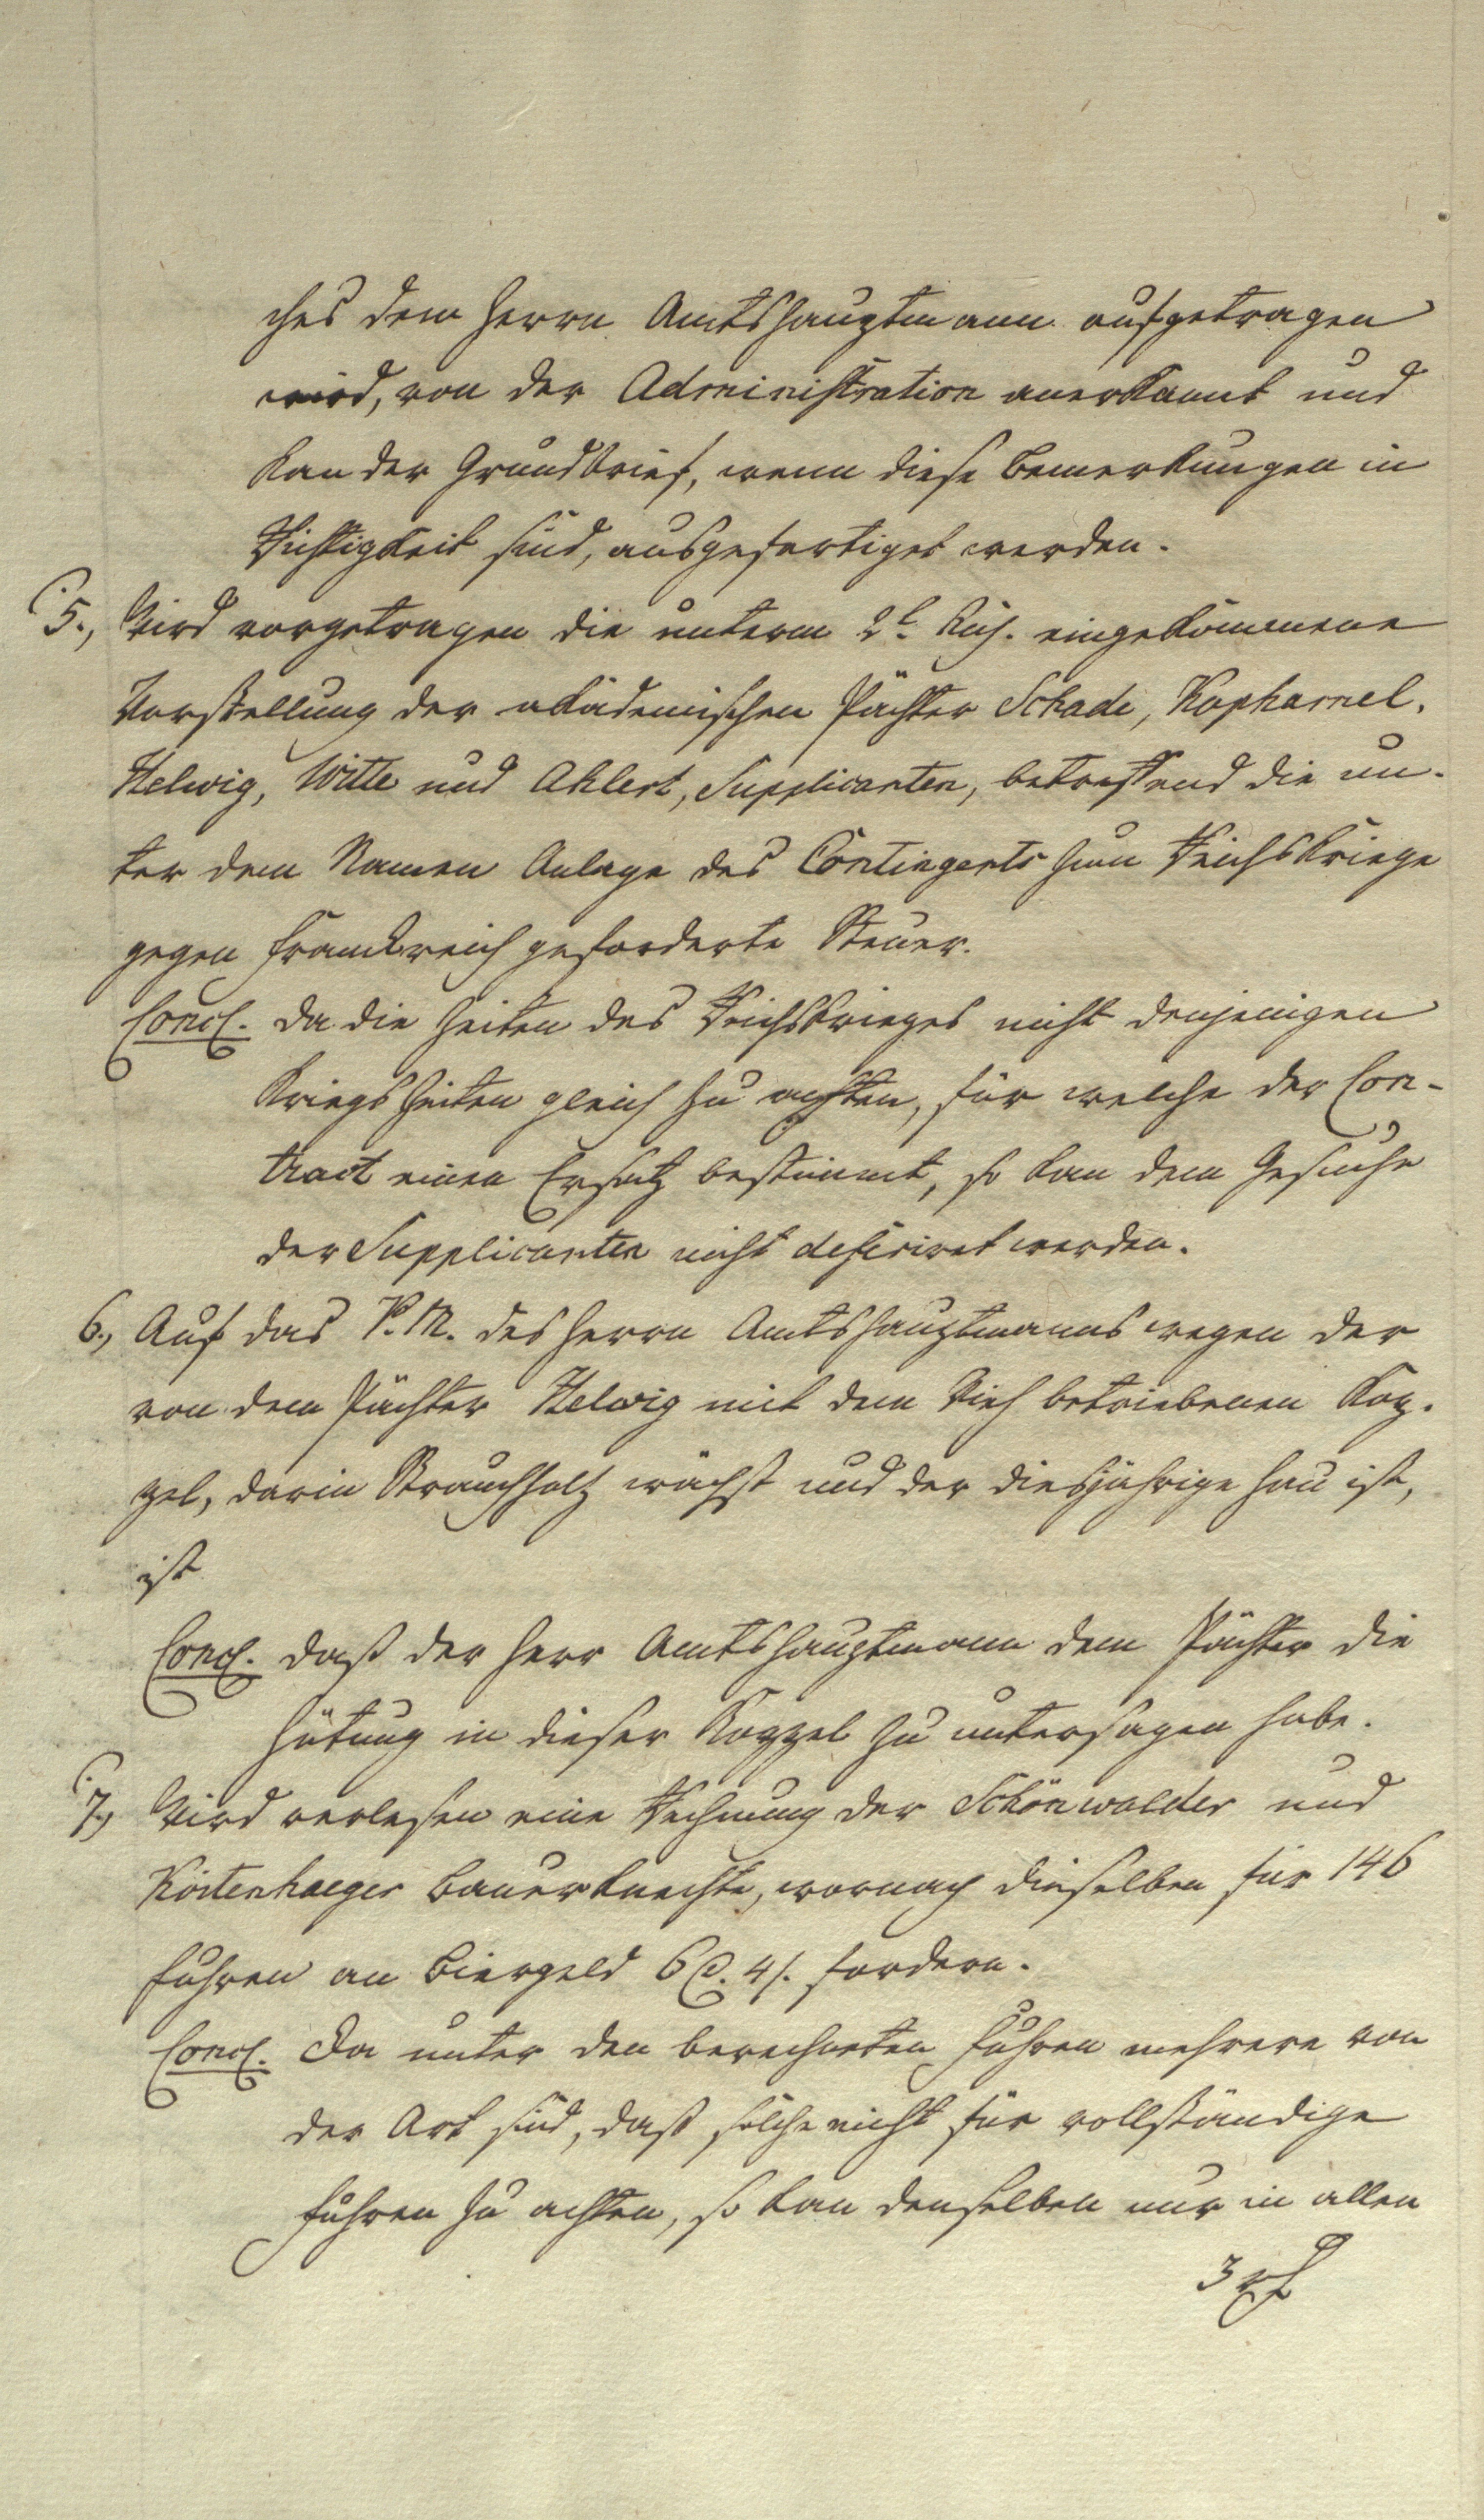ches dem Herrn Amtshauptmann aufgetragen
wird, von der Administration anerkannt und
kan der Grundbrief, wenn diese Bemerkungen in
Richtigkeit sind, ausgefertiget werden.
5., Wird vorgetragen die unterm 2t. huj. eingekommene
Vorstellung der akademischen Pächter Schade, Kaphamel,
Helwig, Witte und Ahlert, Supplicanten, betreffend die un¬
ter dem Namen Anlage des Contingents zum Reichskriege
gegen Frankreich geforderte Steuer.
Concl. Da die Zeiten des Reichskrieges nicht denjenigen
Kriegszeiten gleich zu achten, für welche der Con¬
tract einen Ersatz bestimmt, so kan dem Gesuche
der Supplicanten nicht deferiret werden.
6., Auf des P. M. des Herrn Amtshauptmanns wegen der
von dem Pächter Helwig mit dem Vieh betriebenen Kop¬
pel, darin Brauchholz wächst und der diesjährige Hau ist,
ist
Concl. daß der Herr Amtshauptmann dem Pächter die
Hütung in dieser Koppel zu untersagen habe.
7., Wird verlesen eine Rechnung der Schönwalder und
Koitenhaeger Bauerknechte, wornach dieselben für 146
Fuhren an Biergeld 6 rtl. 4 s. fordern.
Concl. da unter den berechneten Fuhren mehrere von
der Art sind, daß solche nicht für vollständige
Fuhren zu achten, so kan denselben nur in allen
3 rtl.